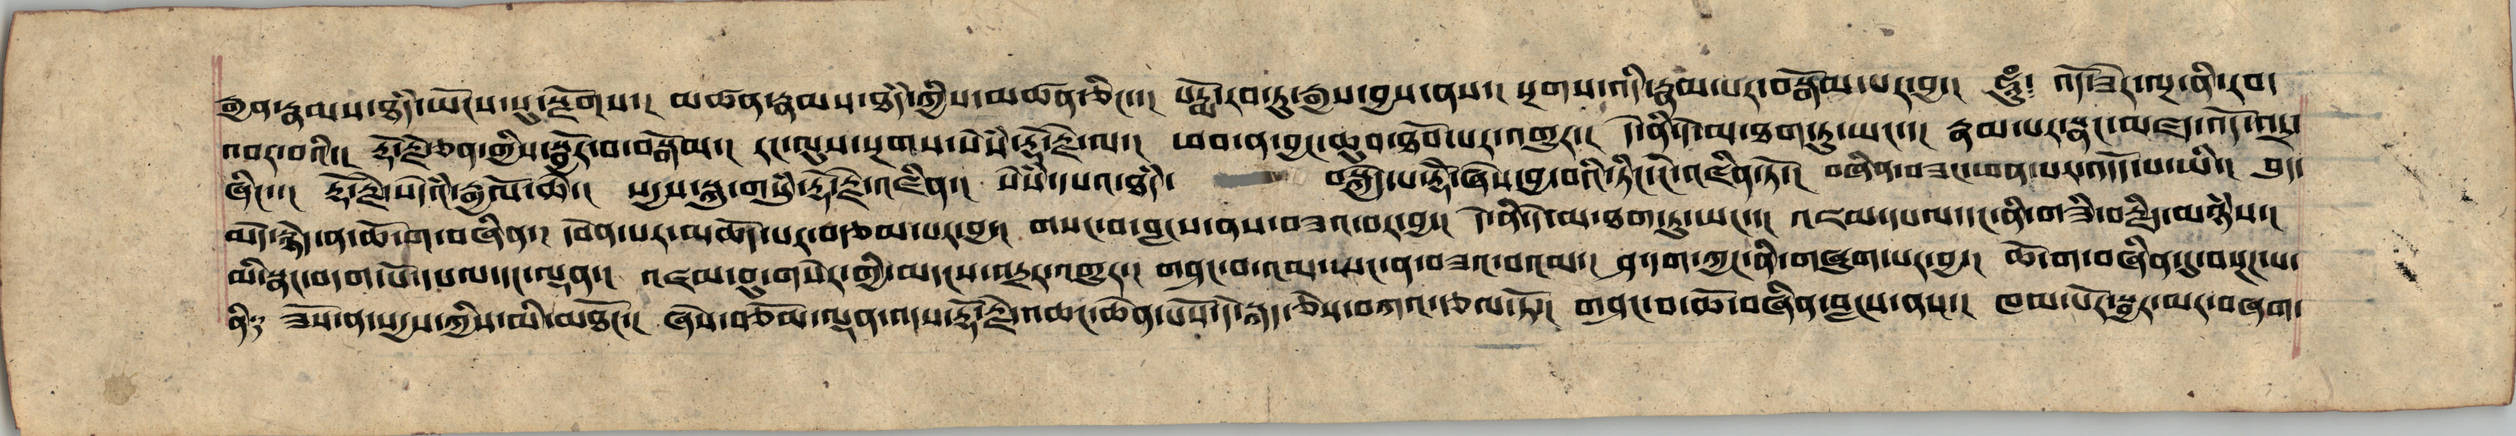རྒྱན་རྣམས་ཐཾད་ཡོངས་སུ་སྫོགས་། མཚན་རྣམས་ཐཾད་ཀྱིས་མཚན་ཅིང་་། པདྨོ་རབ་ཏུ་རྒྱས་བྱས་ནས་། སྔགས་འདི་རྣམ་པར་བསྒོམ་པར་བྱ་། ཧཱུཾ༴ འོད་ཟེར་ལྔ་ནི་རབ་
འབར་བའི་། རྡོ་རྗེ་ཅན་གྱིས་སྦྱོར་བ་བསྒོམ་། རང་ལུས་སྔགས་སེཾས་རྡོ་རྗེ་ལ་། ཕབ་ན་བྱང་ཆུབ་ཐོབ་པར་འགྱུར་། དེ་ནི་དེ་མ་ཐག་ཏུ་ཡང་་། རྣམ་པར་སྣང་མཛད་འོད་འདྲ་
ཞིང་་། རྡོ་རྗེ་སེདའཾ་རྒྱལོ་ཆེ་། སདྱས་སྐུ་གསུཾ་རྡོ་རྗེ་འཛིན་། སེཾས་དཔའ་ཐཾད་ བསྐྱེད་པ་རྡོེ་ཞེས་བྱ་བའི་ཏིང་ངེ་འཛིན་ཏོ་། བཞིན་བཟང་ཕན་པར་འདོད་པ་ཡི་། བུད་
མེད་སྙེད་ན་ཆོ་ག་བཞིན་། དབེན་པར་མཆོད་པར་བརྩམ་པར་བྱ་། གསང་བ་བླངས་ནས་བཟའ་བར་བྱ་། དེ་ནི་དེ་མ་ཐག་ཏུ་ཡང་་། འཇམ་དཔལ་དང་ནི་གཟི་བརྗིད་མཉཾས་།
མི་སྣང་བདག་པོ་དཔལ་དང་ལྡན་། འཛམ་བུ་གསེར་གྱི་མདངས་འདྲར་འགྱུར་། གཤང་བ་འམ་ཡང་ན་བཟའ་བའམ་། ཤ་དག་ཀྱང་ནི་གཞུག་པར་བྱ་། ཆོ་ག་བཞིན་དུ་བསྔཌ་པ་
ནི༑ ཟོས་ན་སདྱས་ཀྱིས་མི་མཐོང་། ཞེས་བཅོམ་ལྡན་འདས་རྡོ་རྗེ་འཆང་ཆེན་པོས་དེ་སྐད་ཅེས་བཀའ་རྩལ་ཏོ་། གཤང་བ་ཆོ་བཞིན་བླངས་ནས་། ཁམ་པོར་སྦྱར་མར་བཞག་